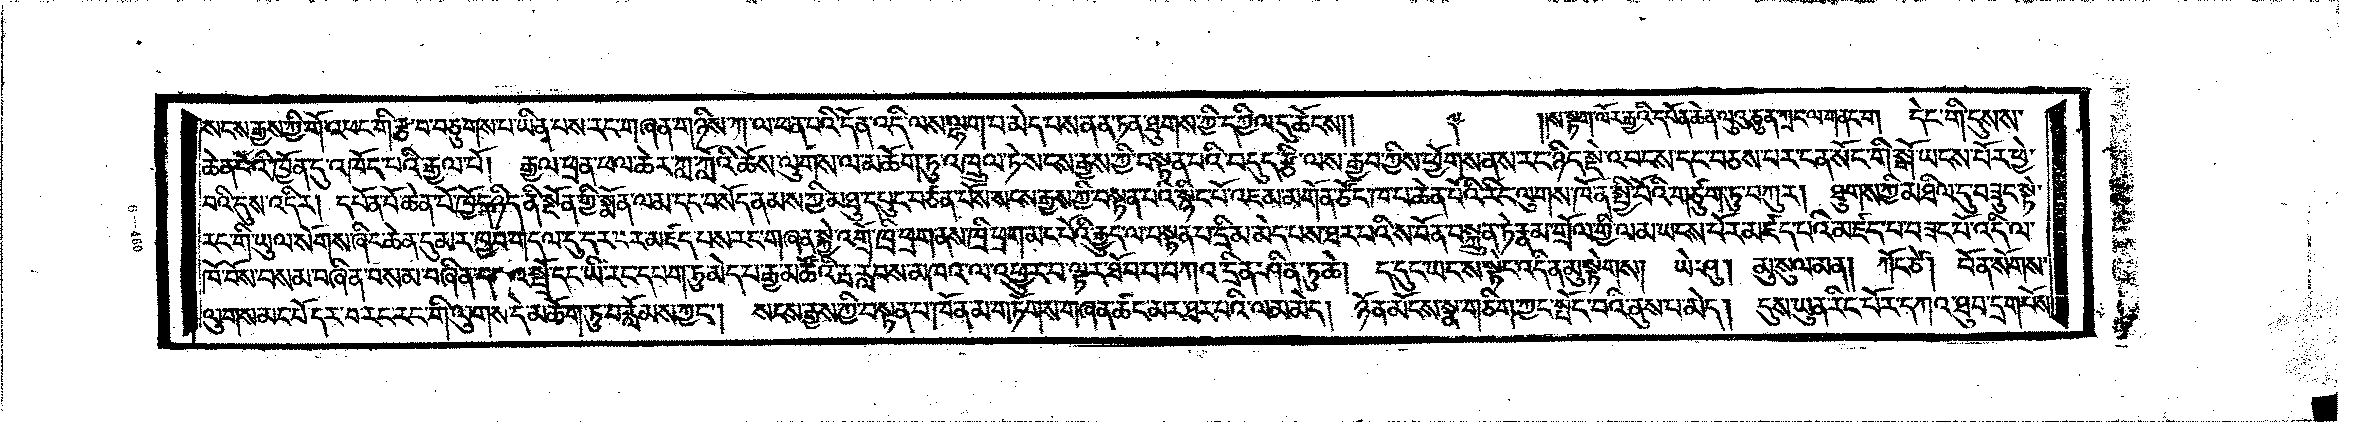སངས་རྒྱས་ཀྱི་གོ་འཕང་གི་རྩ་བ་བཅུགས་པ་ཡིན་པས་རང་གཞན་གཉིས་ཀ་ལ་ཕན་པའི་དོན་འདི་ལས་ལྷག་པ་མེད་པས་ནན་ཏན་ཐུགས་ཀྱི་དཀྱིལ་དུ་ཆོངས།། ༈ །།ས་སྟག་ལོར་རྒྱའི་དཔོན་ཆེན་ལུའུ་ཅུན་ཀྲང་ལ་གནང་བ།  དེང་གི་དུས་ས་
ཆེན་པོའི་ཁྱོན་དུ་འཁོད་པའི་རྒྱལ་པོ། རྒྱལ་ཕྲན་ཕལ་ཆེར་ཀླ་ཀློའི་ཆོས་ལུགས་ལ་མཆོག་ཏུ་འཁྲུལ་ཏེ་སངས་རྒྱས་ཀྱི་བསྟན་པའི་བདུད་རྩི་ལས་རྒྱབ་ཀྱིས་ཕྱོགས་ནས་རང་ཉིད་སྡེ་འབངས་དང་བཅས་པར་ངན་སོང་གི་སྒོ་ཡངས་པོར་ཕྱེ་
བའི་དུས་འདིར། དཔོན་པོ་ཆེན་པོ་ཁྱོད་ཉིད་ནི་སྔོན་གྱི་སྨོན་ལམ་དང་བསོད་ནམས་ཀྱི་མཐུ་དཔུང་བཙན་པོས་སངས་རྒྱས་ཀྱི་བསྟན་པའི་སྙིང་པོ་འཇམ་མགོན་ཙོང་ཁ་པ་ཆེན་པོའི་རིང་ལུགས་ཁོ་ན་སྤྱི་བོའི་གཙུག་ཏུ་བཀུར། ཐུགས་ཀྱི་མཐིལ་དུ་བཟུང་སྟེ་
རང་གི་ཡུལ་སོགས་ཞིང་ཆེན་དུ་མར་ཁྱབ་གདལ་དུ་དར་པར་མཛད་པས་རང་གཞན་སྐྱེ་འགྲོ་ཁྲི་ཕྲག་ནས་ཁྲི་ཕྲག་མང་པོའི་རྒྱུད་ལ་བསྟན་པ་དྲི་མ་མེད་པས་ཐར་པའི་ས་བོན་བསྐྲུན་ཏེ་རྣམ་གྲོལ་གྱི་ལམ་ཡངས་པོར་མཛད་པའི་མཛད་པ་བཟང་པོ་འདི་ལ་
ཁོ་བོས་བསམ་བཞིན་བསམ་བཞིན་དང་འབྲོ་དང་ཡི་རང་དཔག་ཏུ་མེད་པ་རྒྱ་མཚོའི་རྦ་རླབས་མཁའ་ལ་འཕྱུར་བ་ལྟར་ཐོབ་པ་བཀའ་དྲིན་ཤིན་ཏུ་ཆེ། ད་དུང་ཡང་ས་སྟེང་འདི་ན་མུ་སྟེགས། ཡེ་ཤུ། མུ་སུལ་མན། ཀོང་ཙེ། བོན་སོགས་
ལུགས་མང་པོ་དར་བ་རང་རང་གི་ལུགས་དེ་མཆོག་ཏུ་བ་རློམས་ཀྱང་། སངས་རྒྱས་ཀྱི་བསྟན་པ་ཁོ་ན་མ་གཏོགས་གཞན་ཚང་མར་ཐར་པའི་ལམ་མེད། ཉོན་མོངས་སྣ་གཅིག་ཀྱང་སྤོང་བའི་ནུས་པ་མེད། དུས་ཡུན་རིང་པོར་དཀའ་ཐུབ་དྲག་པོས་